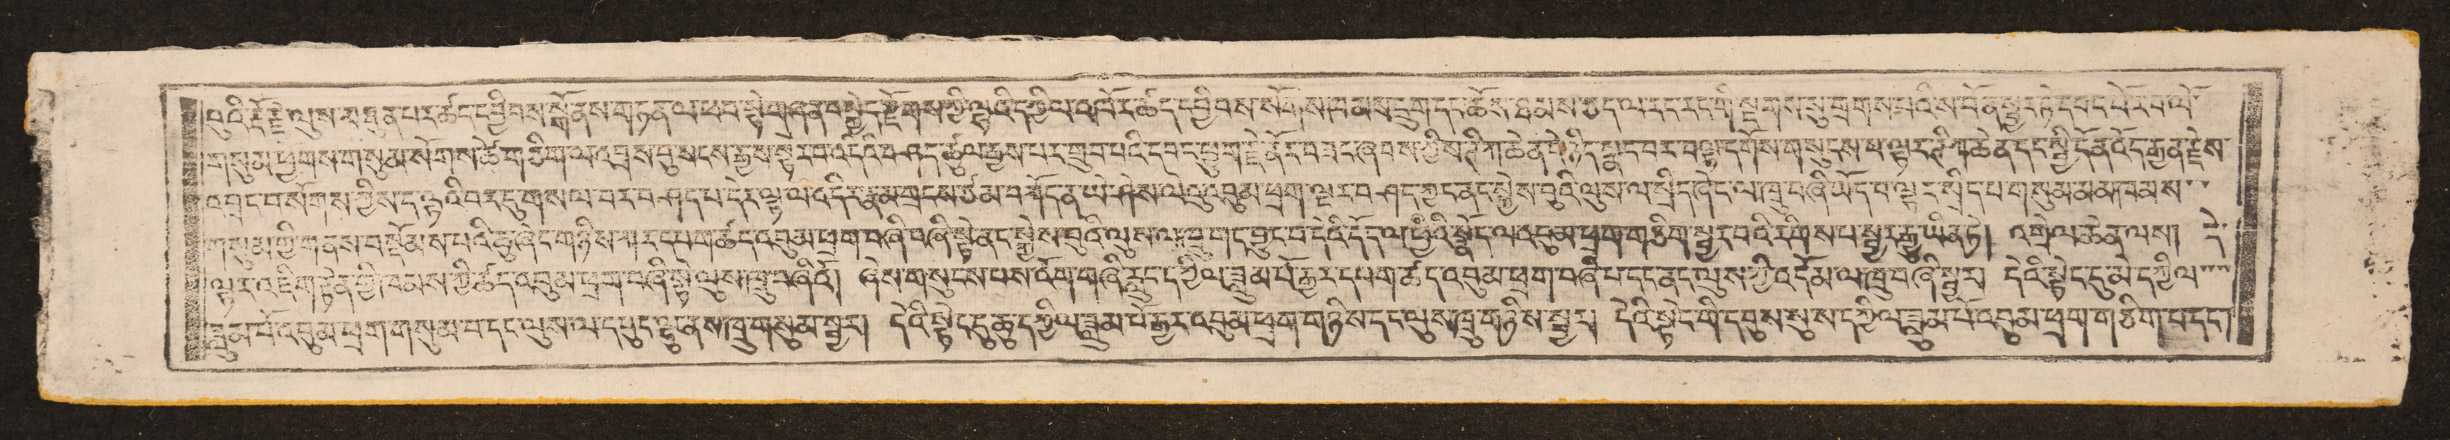བུའི་རྡོ་རྗེ་ལུས་མཐུན་པར་ཚད་དབྱིབས་སྒོ་ནས་གཏན་ལ་ཕབ་སྟེ་གཞན་བ་སྐྱེད་རྫོགས་ཀྱི་ལྷའི་དཀྱིལ་འཁོར་ཚད་དབྱིབས་སོགས་ཁམས་དྲུག་དང་ཆོས་ཐམས་ཅད་ལ་རང་རང་གི་སྔགས་སུ་གྲགས་པའི་ས་བོན་སྦྱར་ཏེ་དབང་པོ་རབ་ལོ་
གསུམ་ཕྱོགས་གསུམ་སོགས་ཚེ་གཅིག་ལ་འབྲས་བུ་སངས་རྒྱས་སྟེ་རབ་འདིའི་བཤད་ཚུལ་རྒྱས་པར་གྲུབ་པའི་དབང་ཕྱུག་རྗེ་ནོར་བཟང་ཞབས་ཀྱིས་ཊིཀ་ཆེན་དེ་ཉིད་སྣང་པར་བལྟ་དགོས་གསུངས་པ་ལྟར་ཊིཀ་ཆེན་དང་སྤྱི་དོན་འོད་རྒྱན་རྗེས་
འབྲའ་?་པ་སོགས་ཀྱིས་ད་ལྟའི་པར་དུ་གསལ་པར་བཤད་པ་དེར་ལྟ་ལ་འདིར་རྣམ་གྲངས་ཙམ་བཀོད་ན་ཡེ་ཤེས་ལེ་བུ་འབུམ་ཕྲག་ལྔར་བཤད་ཀྱང་ནང་སྐྱེས་བུའི་ལུས་ལ་སྲིད་ཞེང་ལ་ཁྲུ་བཞི་ཡོད་པ་ལྟར་སྲིད་པ་གསུམ་མམ་ཁམས་
གསུམ་གྱི་གནས་བསྡོམས་པའི་ཆུ་ཞེང་གཉིས་ཀར་དཔག་ཚད་འབུམ་ཕྲག་བཞི་བཞི་སྟེ་ནད་སྐྱེས་བུའི་ལུས་ལ་ཁྲུ་གང་བྱུང་བ་དེའི་དོད་ལ་ཕྱིའི་སྣོད་ལ་འབུམ་ཕྲག་གཅིག་སྦྱར་པའི་རིགས་པ་སྦྱར་རྒྱུ་ཡིན་ཏེ། འགྲེལ་ཆེན་ལས། དེ་
ལྟར་འཇིག་རྟེན་གྱི་ཁམས་ཀྱི་ཚད་འབུམ་ཕྲག་བཞི་སྟེ་ལུས་ཁྲུ་བཞིའོ། ཞེས་གསུངས་པས་འོག་གཞི་རླུང་དཀྱིལ་ཟླུམ་པོ་རྒྱར་དཔག་ཚད་འབུམ་ཕྲག་བཞི་པ་དང་ནང་ལུས་ཀྱི་འདོམ་ལ་ཁྲུ་བཞི་སྦྱར། དེའི་སྟེང་དུ་མེ་དཀྱིལ་
ཟླུམ་པོ་འབུམ་ཕྲག་གསུམ་པ་དང་ལུས་ལ་དཔུང་ལྷུ་ནས་ཁྲུ་གསུམ་སྦྱར། དེའི་སྟེང་དུ་ཆུ་དཀྱིལ་ཟླུམ་པོ་རྒྱར་འབུམ་ཕྲག་གཉིས་དང་ལུས་ཁྲུ་གཉིས་སྦྱར། དེའི་སྟེང་གི་དབུས་སུ་ས་དཀྱིལ་ཟླུམ་པོ་འབུམ་ཕྲག་གཅིག་པ་དང་